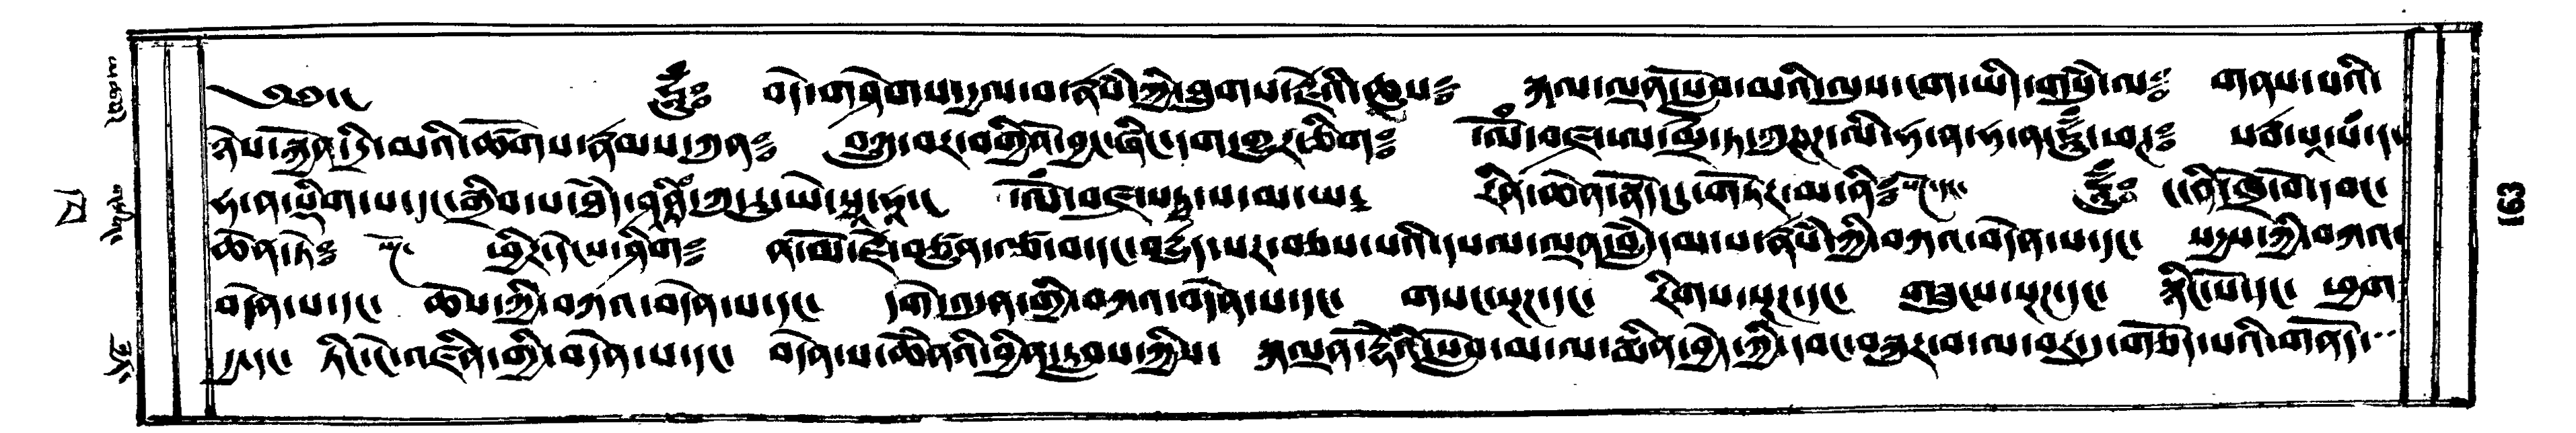ཧཱུྃཿ བདེ་གཤེགས་རྒྱལ་བ་རྣམས་ཀྱི་ཐུགས་རྗེའི་ཆུས༔ སྐལ་ལྡན་སློབ་མའི་ལུས་ངག་ཡིད་གསུམ་ལ༔ གནས་པའི་
ཉེས་སྐྱོན་དྲི་མའི་ཚོགས་རྣམས་ཀུན༔ བཀྲུ་བར་བགྱིའོ་བྱང་ཞིང་དག་གྱུར་ཅིག༔ ཨོཾ་བཛྲ་ཨ་མྲྀ་ཏ་ཀུཎྜ་ལི་ཧ་ན་ཧ་ན་ཧཱུྃ་ཕཊ༔ སརྦ་པཱཔཾ་ད་
ཧ་ན་སྡིག་པ་དང་སྒྲིབ་པ་ཐམས་ཅད་ཤཱིནྟཾ་ཀུ་རུ་ཡེ་སྭ་ཧཱཿ ཨོཾ་བཛྲ་སཏྭ་ས་མ་ཡ༴ རིན་ཆེན་སྣོད་དུ་གཏོར་མ་ནི༔ སོགས་དང་། ཧཱུྃཿ ང་ནི་ཁྲོ་བོ་དབང་
ཆེན་ཏེ༔ སོགས། ཕྱིར་དེངས་ཤིག༔ ན་མོ་རྗེ་བཙུན་རྩ་བ་དང་བརྒྱུད་པར་བཅས་པའི་དཔལ་ལྡན་བླ་མ་དམ་པ་རྣམས་ཀྱི་བཀའ་བདེན་པ་དང་། སངས་རྒྱས་ཀྱི་བཀའ་
བདེན་པ་དང་། །ཆོས་ཀྱི་བཀའ་བདེན་པ་དང་། །དགེ་འདུན་གྱི་བཀའ་བདེན་པ་དང་། གསང་སྔགས་དང་། རིག་སྔགས་དང་། གཟུངས་སྔགས་དང་། སྙིང་པོ་དང་། ཕྱག་
རྒྱ་དང་། ཏིང་ངེ་འཛིན་གྱི་བདེན་པ་དང་། བདེན་པ་ཆེན་པོའི་བྱིན་བརླབས་ཀྱིས། སྐལ་ལྡན་རྡོ་རྗེའི་སློབ་མ་ལ་སྨིན་བྱེད་ཀྱི་དབང་བསྐུར་བ་ལ་བར་དུ་གཅོད་པའི་གནོད་